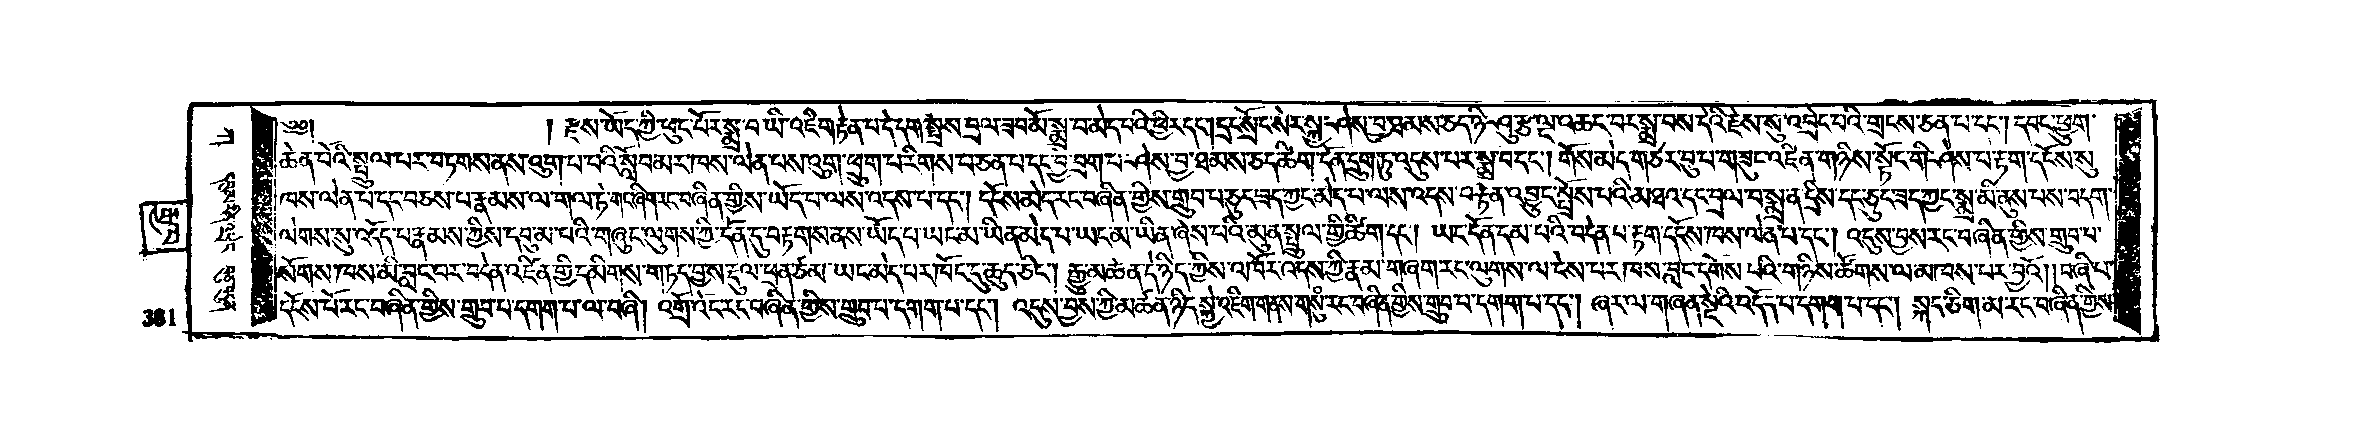༄༅། །རྫས་ཡོད་ཀྱི་ཕུང་པོར་སྨྲ་བ་ཡི་འཇིག་རྟེན་པ་དེ་དག་སྤྲས་བྲལ་ཟབ་མོ་སྨྲ་བ་མེད་པའི་ཕྱིར་དང་། དྲང་སྲོང་སེར་སྐྱ་ཤེས་བྱ་ཐམས་ཅད་ཉི་ཤུ་རྩ་ལྔ་འཆང་བར་སྨྲ་བས་དེའི་རྗེས་སུ་འབྲེང་བའི་གྲངས་ཅན་པ་དང་། དབང་ཕྱུག་
ཆེན་པོའི་སྤྲུལ་པར་བཏགས་ནས་འུག་པ་པའི་སློབ་མར་ཁས་ལེན་པས་འུག་ཕྲུག་པ་རིགས་པ་ཅན་པ་དང་བྱེ་བྲག་པ་ཤེས་བྱ་ཐམས་ཅད་ཚིག་དོན་དྲུག་ཏུ་འདུས་པར་སྨྲ་བ་དང་། གོས་མེད་གཅེར་བུ་པ་གཟུང་འཛིན་གཉིས་སྟོང་གི་ཤེས་པ་རྟག་དངོས་སུ་
ཁས་ལེན་པ་དང་བཅས་པ་རྣམས་ལ་གལ་ཏེ་གང་ཞིག་རང་བཞིན་གྱིས་ཡོད་པ་ལས་འདས་པ་དང་། དངོས་མེད་རང་བཞིན་གྱིས་གྲུབ་པ་ཅུང་ཟད་ཀྱང་མེད་པ་ལས་འདས་བརྟེན་འབྱུང་སྤྲོས་པའི་མཐའ་དང་བྲལ་བ་སྨྲ་ན་དྲིས་དང་ཅུང་ཟད་ཀྱང་སྨྲ་མི་ནུས་པས་བདག་
ལེགས་སུ་འདོད་པ་རྣམས་ཀྱིས་དབུ་མ་པའི་གཞུང་ལུགས་ཀྱི་དོན་དུ་བརྟགས་ནས་ཡོད་པ་ཡང་མ་ཡིན་མེད་པ་ཡང་མ་ཡིན་ཞེས་པའི་མུན་སྤྲུལ་གྱི་ཚིག་དང་། ཡང་དོན་དམ་པའི་བདེན་པ་རྟག་དངོས་ཁས་ལེན་པ་དང་། འདུས་བྱས་རང་བཞིན་གྱིས་གྲུབ་པ་
སོགས་ཁས་མི་བླང་བར་བདེན་འཛིན་གྱི་དམིགས་གཏད་བྱས་རྡུལ་ཕྲན་ཙམ་ཡང་མེད་པར་ཁོང་དུ་ཆུད་ཅིང་། རྒྱུ་མཚན་དེ་ཉིད་ཀྱིས་འཁོར་འདས་ཀྱི་རྣམ་གཞག་རང་ལུགས་ལ་ངེས་པར་ཁས་བླང་དགོས་པའི་གཉིས་ཚོགས་ལ་མཁས་པར་བྱའོ། །བཞི་པ་
དངོས་པོ་རང་བཞིན་གྱིས་གྲུབ་པ་དགག་པ་ལ་བཞི། འགྲོ་འོང་རང་བཞིན་གྱིས་གྲུབ་པ་དགག་པ་དང་། འདུས་བྱས་ཀྱི་མཚན་ཉིད་སྐྱེ་འཇིག་གནས་གསུམ་རང་བཞིན་གྱིས་གྲུབ་པ་དགག་པ་དང་། ཞར་ལ་གཞན་སྡེའི་འདོད་པ་དགག་པ་དང་། སྐད་ཅིག་མ་རང་བཞིན་གྱིས་